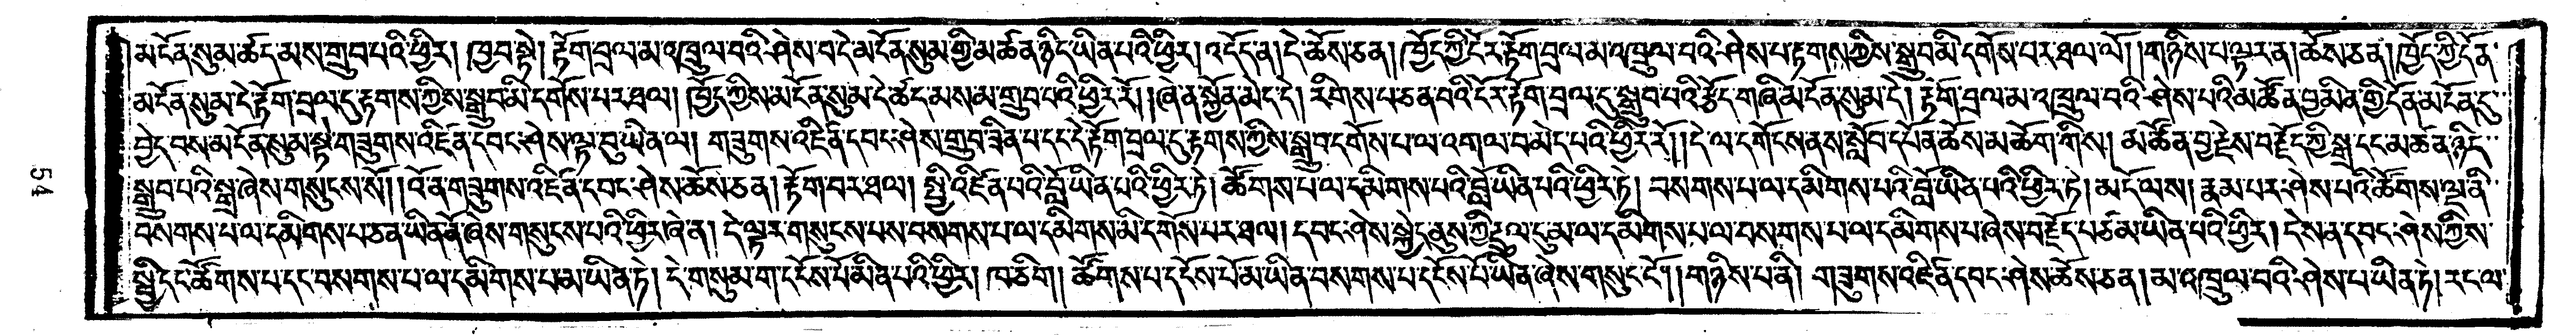མངོན་སུམ་ཚད་མས་གྲུབ་པའི་ཕྱིར། ཁྱབ་སྟེ། རྟོག་བྲལ་མ་འཁྲུལ་བའི་ཤེས་པ་དེ་མངོན་སུམ་གྱི་མཚན་ཉིད་ཡིན་པའི་ཕྱིར། འདོད་ན། དེ་ཆོས་ཅན། ཁྱོད་ཀྱི་ངོར་རྟོག་བྲལ་མ་འཁྲུལ་བའི་ཤེས་པ་རྟགས་ཀྱིས་སྒྲུབ་མི་དགོས་པར་ཐལ་ལོ། །གཉིས་པ་ལྟར་ན། ཆོས་ཅན། ཁྱོད་ཀྱི་ངོར་
མངོན་སུམ་དེ་རྟོག་བྲལ་དུ་རྟགས་ཀྱིས་སྒྲུབ་མི་དགོས་པར་ཐལ། ཁྱོད་ཀྱིས་མངོན་སུམ་དེ་ཚད་མས་མ་གྲུབ་པའི་ཕྱིར་རོ། །ཞེ་ན་སྐྱོན་མེད་དེ། རིགས་པ་ཅན་པའི་ངོར་རྟོག་བྲལ་དུ་སྒྲུབ་པའི་རྩོད་གཞི་མངོན་སུམ་དེ། རྟོག་བྲལ་མ་འཁྲུལ་བའི་ཤེས་པའི་མཚོན་བྱ་མིན་གྱི་དོན་མངོན་དུ་
བྱེད་པས་མངོན་སུམ་སྟེ་གཟུགས་འཛིན་དབང་ཤེས་ལྟ་བུ་ཡིན་ལ། གཟུགས་འཛིན་དབང་ཤེས་གྲུབ་ཟིན་པ་དང་དེ་རྟོག་བྲལ་དུ་རྟགས་ཀྱིས་སྒྲུབ་དགོས་པ་ལ་འགལ་བ་མེད་པའི་ཕྱིར་རོ། །དེ་ལ་དགོངས་ནས་སློབ་དཔོན་ཆོས་མཆོག་གིས། མཚོན་བྱ་རྗེས་བརྗོད་ཀྱི་སྒྲ་དང་མཚན་ཉིད་
སྒྲུབ་པའི་སྒྲ་ཞེས་གསུངས་སོ། །འོ་ན་གཟུགས་འཛིན་དབང་ཤེས་ཆོས་ཅན། རྟོག་པར་ཐལ། སྤྱི་འཛིན་པའི་བློ་ཡིན་པའི་ཕྱིར་ཏེ། ཚོགས་པ་ལ་དམིགས་པའི་བློ་ཡིན་པའི་ཕྱིར་ཏེ། བསགས་པ་ལ་དམིགས་པའི་བློ་ཡིན་པའི་ཕྱིར་ཏེ། མདོ་ལས། རྣམ་པར་ཤེས་པའི་ཚོགས་ལྔ་ནི་
བསགས་པ་ལ་དམིགས་པ་ཅན་ཡིན་ནོ་ཞེས་གསུངས་པའི་ཕྱིར་ཞེ་ན། དེ་ལྟར་གསུངས་པས་བསགས་པ་ལ་དམིགས་མི་དགོས་པར་ཐལ། དབང་ཤེས་སྐྱེད་ནུས་ཀྱི་རྡུལ་དུ་མ་ལ་དམིགས་པ་ལ་བསགས་པ་ལ་དམིགས་པ་ཞེས་བརྗོད་པ་ཙམ་ཡིན་པའི་ཕྱིར། དེས་ན་དབང་ཤེས་ཀྱིས་
སྤྱི་དང་ཚོགས་པ་དང་བསགས་པ་ལ་དམིགས་པ་མ་ཡིན་ཏེ། དེ་གསུམ་ག་དངོས་པོ་མིན་པའི་ཕྱིར། ཁ་ཅིག །ཚོགས་པ་དངོས་པོ་མ་ཡིན་བསགས་པ་དངོས་པོ་ཡིན་ཞེས་གསུང་ངོ། །གཉིས་པ་ནི། གཟུགས་འཛིན་དབང་ཤེས་ཆོས་ཅན། མ་འཁྲུལ་བའི་ཤེས་པ་ཡིན་ཏེ། རང་ལ་